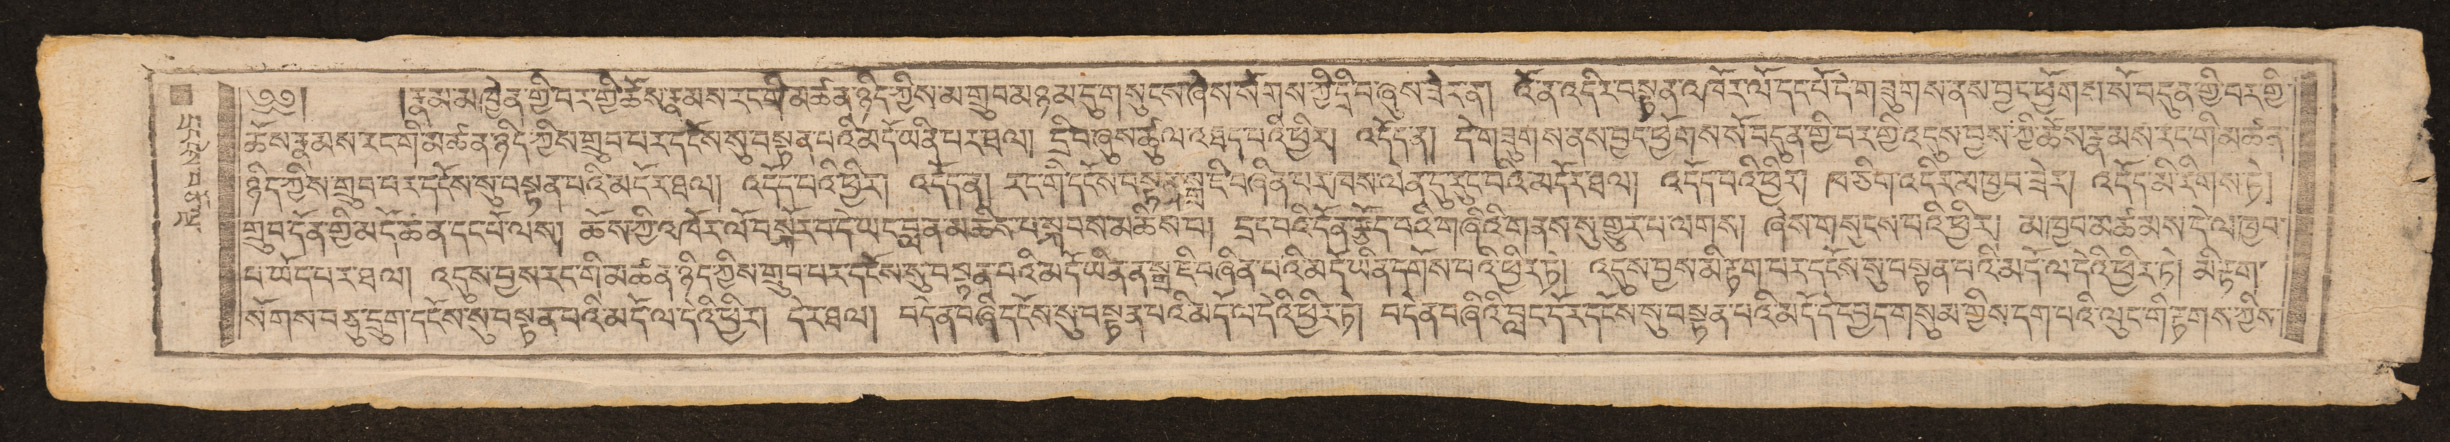༄༅། །རྣམ་མཁྱེན་གྱི་བར་གྱི་ཆོས་རྣམས་རང་གི་མཚན་ཉིད་ཀྱིས་མ་གྲུབ་མཉམ་དུ་གསུངས་ཞེས་སོགས་ཀྱི་དྲི་བ་ཞུས་ཟེར་ན། འོ་ན་འདིར་བསྟན་འཁོར་ལོ་དང་པོ་དེ་གཟུགས་ནས་བྱང་ཕྱོགས་སོ་བདུན་གྱི་བར་གྱི་
ཆོས་རྣམས་རང་གི་མཚན་ཉིད་ཀྱིས་གྲུབ་པར་དངོས་སུ་བསྟན་པའི་མདོ་ཡིན་པར་ཐལ། དྲི་བ་ཞུས་ཚུལ་འཐད་པའི་ཕྱིར། འདོད་ན། དེ་གཟུགས་ནས་བྱང་ཕྱོགས་སོ་བདུན་གྱི་བར་གྱི་འདུས་བྱས་ཀྱི་ཆོས་རྣམས་རང་གི་མཚན་
ཉིད་ཀྱིས་གྲུབ་པར་དངོས་སུ་བསྟན་པའི་མདོར་ཐལ། འདོད་པའི་ཕྱིར། འདོད་ན། རང་གི་དངོས་བསྟན་སྒྲ་ཇི་བཞིན་པར་ལས་ལེན་དུ་རུང་པའི་མདོར་ཐལ། འདོད་པའི་ཕྱིར། ཁ་ཅིག་འདིར་མ་ཁྱབ་ཟེར། འདོད་མི་རིགས་ཏེ།
གྲུབ་དོན་གྱི་མདོ་ཚན་དང་པོ་ལས། ཆོས་ཀྱི་འཁོར་ལོ་བསྐོར་བ་དེ་ཡང་བླ་ན་མཆིས་བ་སྐབས་མཆིས་པ། དྲང་པའི་དོན་རྩོད་པའི་གཞིའི་གནས་སུ་གྱུར་པ་ལགས། ཞེས་གསུངས་པའི་ཕྱིར། མ་ཁྱབ་མཚམས་དེ་ལ་ཁྱབ་
པ་ཡོད་པར་ཐལ། འདུས་བྱས་རང་གི་མཚན་ཉིད་ཀྱིས་གྲུབ་པར་དངོས་སུ་བསྟན་པའི་མདོ་ཡིན་ན་སྒྲ་ཇི་བཞིན་པའི་མདོ་ཡིན་དགོས་པའི་ཕྱིར་ཏེ། འདུས་བྱས་མི་རྟག་པར་དངོས་སུ་བསྟན་པའི་མདོ་ལ་དེའི་ཕྱིར་ཏེ། མི་རྟག་
སོགས་བཅུ་དྲུག་དངོས་སུ་བསྟན་པའི་མདོ་ལ་དེའི་ཕྱིར། དེར་ཐལ། བདེན་བཞི་དངོས་སུ་བསྟན་པའི་མདོ་ལ་དེའི་ཕྱིར་ཏེ། བདེན་བཞིའི་བླང་དོར་དངོས་སུ་བསྟན་པའི་མདོ་དེ་དཔྱད་གསུམ་གྱིས་དག་པའི་ལུང་གི་རྟགས་ཀྱིས་